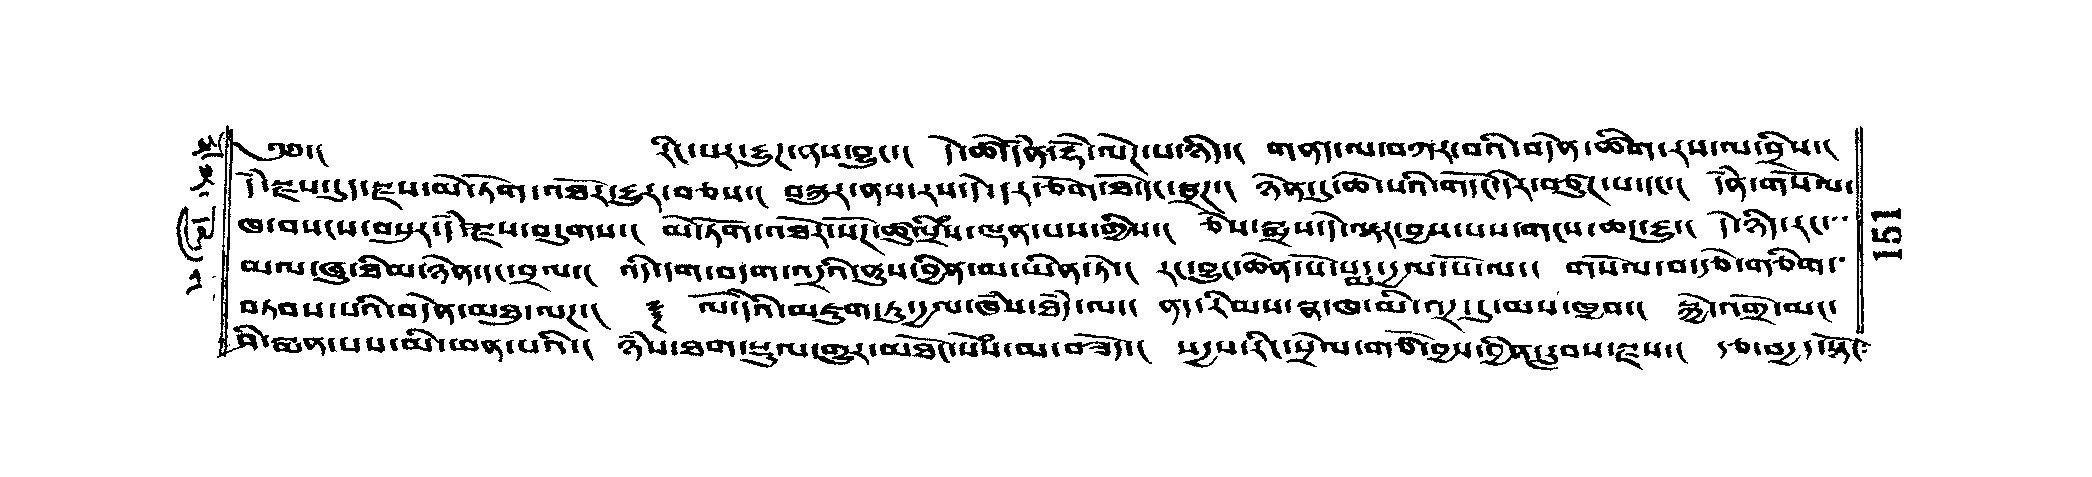རིང་པར་རྒྱུགས་ནས་བྱུང་། །དེ་ཚེ་དམ་ཅན་རྡོ་རྗེ་ལེགས་པ་ཉིད། །གནད་ལ་བཀར་བའི་བདེན་ཚིག་རས་ལ་བྲིས། །
དམ་རྫས་བདུག་རྫས་མེ་ཏོག་འཐོར་རྒྱུ་བཅས། །བསྐུར་ནས་རས་དེ་དར་ཅོག་ཐོ་དང་སྦྲགས། །ཉེན་དུ་ཆེ་སའི་གདོང་དེར་བཙུགས་པ་དང་། །དམ་ཅན་གསོལ་
ཁ་བསངས་བསུར་དམ་རྫས་བདུགས། །མེ་ཏོག་འཐོར་སོགས་ཚུལ་ཁྲིམས་ལྡན་པས་གྱིས། །ཅེས་སྨྲས་དེ་ལྟར་བྱས་པས་གངས་ཆད་རྒྱུ། །དེ་ཉིད་རང་
མལ་དུ་ཐིམ་ཉེན་དང་བྲལ། །འདི་དག་བདག་འདྲའི་ནུས་བྱིན་མ་ཡིན་ཏེ། །རང་བྱུང་ཆེན་པོ་པདྨ་རྒྱལ་པོ་ལ། །གསོལ་བ་རྩེ་གཅིག་
བཏབ་པའི་བདེན་མཐུ་ལགས། །ལོ་དེའི་མཇུག་ཏུ་རྒྱལ་ཁམས་ཐམས་ཅད་ལ། །ནད་རིམས་སྣ་ཁ་མི་འདྲ་དུ་མས་ཁྱབ། །སྐྱེ་འགྲོ་མང་
ཤི་སྨན་པས་མི་ཕན་པའི། །ཉམས་ཐག་སྡུག་བསྔལ་འགྱུར་མཐོང་སེམས་མ་བཟོད། །སངས་རྒྱས་རིང་སྲེལ་གཙོ་བྱས་བྱིན་རླབས་རྫས། །རྩ་བརྒྱད་སྟོང་